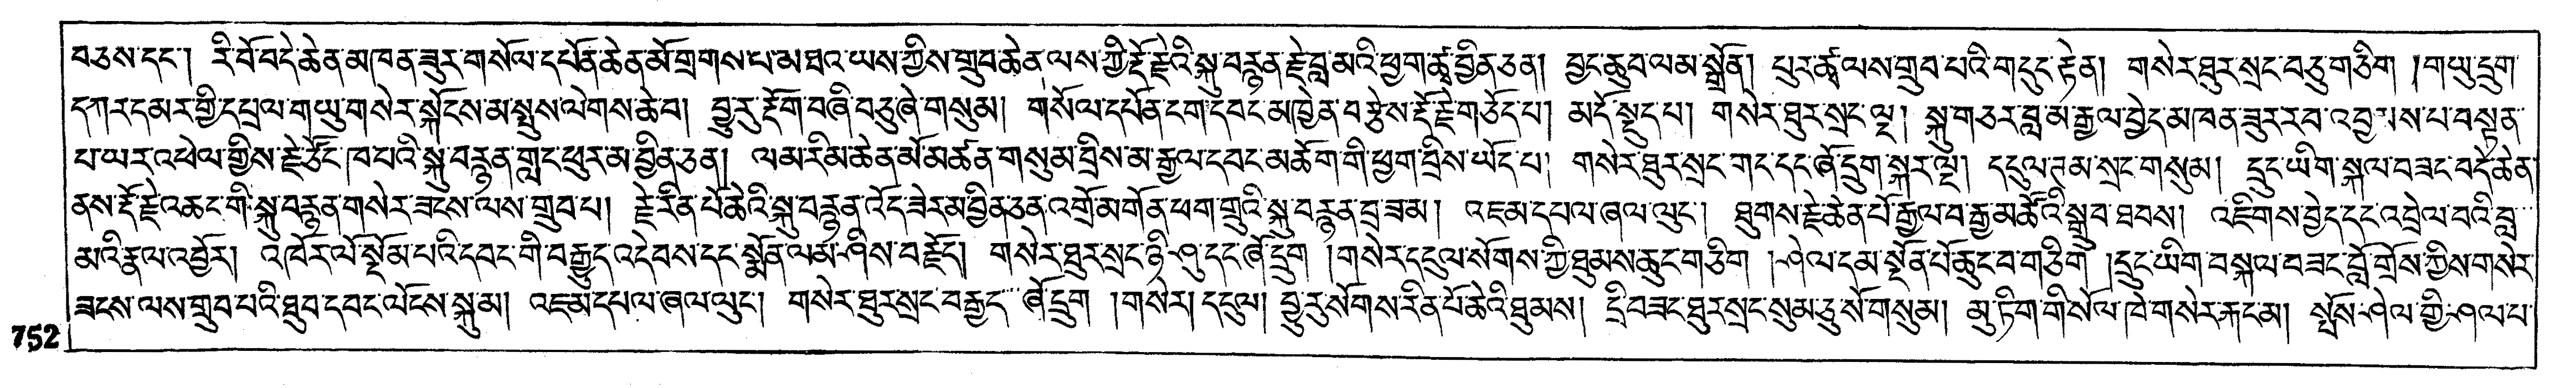བཅས་དང་། རི་བོ་བདེ་ཆེན་མཁན་ཟུར་གསོལ་དཔོན་ཆེན་མོ་གྲགས་པ་མཐའ་ཡས་ཀྱིས་གྲུབ་ཆེན་ལས་ཀྱི་རྡོ་རྗེའི་སྐུ་བརྙན་རྗེ་བླ་མའི་ཕྱག་ཚྭ་བྱིན་ཅན། བྱང་ཆུབ་ལམ་སྒྲོན། བུར་ཚྭ་ལས་གྲུབ་པའི་གདུང་རྟེན། གསེར་ཐུར་སྲང་བཅུ་གཅིག །གཡུ་དྲུག་
དཀར་དམར་གྱི་དབྲལ་གཡུ་གསེར་སྐོངས་མ་སྦུས་ལེགས་ཆེ་བ། བྱུ་རུ་རྡོག་བཞི་བཅུ་ཞེ་གསུམ། གསོལ་དཔོན་ངག་དབང་མཁྱེན་བརྩེས་རྡོ་རྗེ་གཅོད་པ། མདོ་སྡུད་བ། གསེར་ཐུར་སྲང་ལྔ། སྐུ་གཅར་བླ་མ་རྒྱལ་བྱེད་མཁན་ཟུར་རབ་འབྱམས་པ་བསྟན་
པ་ཡར་འཕེལ་གྱིས་རྗེ་ཙོང་ཁ་བའི་སྐུ་བརྙན་གླད་ཕུར་མ་བྱིན་ཅན། ལམ་རིམ་ཆེན་མོ་མཆན་གསུམ་བྲིས་མ་རྒྱལ་དབང་མཆོག་གི་ཕྱག་བྲིས་ཡོད་པ། གསེར་ཐུར་སྲང་གང་དང་ཞོ་དྲུག་སྐར་ལྔ། དངུལ་ཊམ་སྲང་གསུམ། དྲུང་ཡིག་སྐལ་བཟང་བདེ་ཆེན་
ནས་རྡོ་རྗེ་འཆང་གི་སྐུ་བརྙན་གསེར་ཟངས་ལས་གྲུབ་པ། རྗེ་རིན་པོ་ཆེའི་སྐུ་བརྙན་འོད་ཟེར་མ་བྱིན་ཅན། འགྲོ་མགོན་ཕག་གྲུའི་སྐུ་བརྙན་བྲ་ཟ་མ། འཇམ་དཔལ་ཞལ་ལུང་། ཐུགས་རྗེ་ཆེན་པོ་རྒྱལ་བ་རྒྱ་མཚོའི་སྒྲུབ་ཐབས། འཇིགས་བྱེད་དང་འབྲེལ་བའི་བླ་
མའི་རྣལ་འབྱོར། འཁོར་ལོ་སྡོམ་པའི་དབང་གི་བརྒྱུད་འདེབས་དང་སྨོན་ལམ་ཤིས་བརྗོད། གསེར་ཐུར་སྲང་ཉི་ཤུ་དང་ཞོ་དྲུག །གསེར་དངུལ་སོགས་ཀྱི་ཐུམས་ཆུང་གཅིག །ཤེལ་དམ་སྔོན་པོ་ཆུང་བ་གཅིག །དྲུང་ཡིག་བསྐལ་བཟང་བློ་གྲོས་ཀྱིས་གསེར་
ཟངས་ལས་གྲུབ་བའི་ཐུབ་དབང་ལོངས་སྐུ་མ། མཇམ་དཔལ་ཞལ་ལུང་། གསེར་ཐུར་སྲང་བརྒྱད་ཞོ་དྲུག །གསེར། དངུལ། བྱུ་རུ་སོགས་རིན་པོ་ཆེའི་ཐུ་མས། དྲི་བཟང་ཐུར་སྲང་སུམ་ཅུ་སོ་གསུ། མུ་ཏིག་གི་སོལ་ཁེ་གསེར་རྐང་མ། སྤོས་ཤེལ་གྱི་ཤལ་པ་